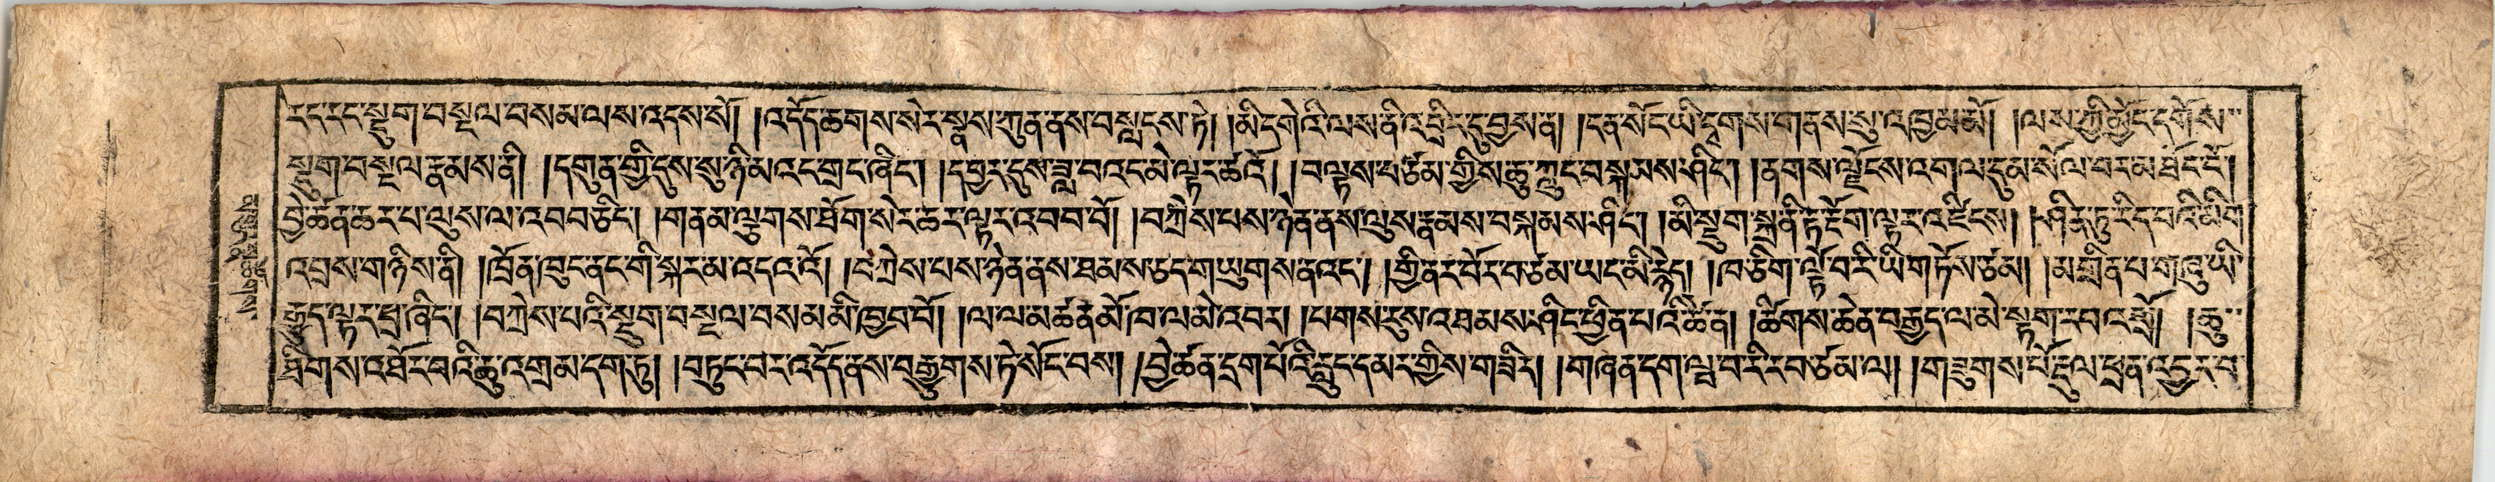རང་རང་སྡུག་བསྔལ་བསམ་ལས་འདས་སོ། །འདོད་ཆགས་སེར་སྣས་ཀུན་ནས་བསླངས་ཏེ། །མི་དགེའི་ལས་ནི་འབྲིང་དུ་བྱས་ན། །ངན་སོང་ཡི་དྭགས་གནས་སུ་འཁྱམ་མོ། །ལས་ཀྱི་མྱོང་དགོས་
སྡུག་བསྔལ་རྣམས་ནི། །དགུན་གྱི་དུས་སུ་ཉི་མའང་གྲང་ཞིང་། །དབྱར་དུས་ཟླ་བའང་མ་ལྟར་ཚའོ།།བལྟས་པ་ཙམ་གྱིས་ཆུ་ཀླུང་བསྐམས་ཤིང་། །ནགས་ལྗོངས་འགལ་དུམ་སོལ་བར་མཐོང་ངོ་། །
བྱེ་ཚན་ཆར་པ་ལུས་ལ་འབབ་ཅིང་། །གནམ་ལྕགས་ཐོག་སེར་ཆར་ལྟར་འབབ་བོ། །བཀྲེས་པས་ཉན་ནས་ལུས་རྣམས་བསྐམས་ཤི། །མི་སྡུག་སྐྲ་ནི་རྟ་རྔོག་ལྟར་འཛིངས། ཤིན་ཏུ་རིད་པའི་མིག་
འབྲས་གཉིས་ནི། །ཁྲོན་ཁུང་ནང་གི་སྐར་མ་འདའ་འོ། །བཀྲེས་པས་ཉེན་ནས་ཐམས་ཅད་གཡུགས་ནའང་། །གྱི་ནར་བོར་བ་ཙམ་ཡང་མི་རྙེད། །ཁ་ཅིག་ལྟོ་བ་རི་ཡི་གཏོས་ཙམ། །མགྲིན་པ་གཞུ་ཡི་
རྒྱུད་ལྟར་ཕྲ་ཞིང་། །བཀྲེས་པའི་སྡུག་བསྔལ་བསམ་མི་ཁྱབ་བོ། །ལ་ལ་མཚན་མོ་ཁ་ལ་མེ་འབར། །པགས་རུས་འཐམས་ཤིང་ཕྱིན་པའི་ཚི་ན། །ཚིགས་ཆེན་བརྒྱད་ལ་མེ་སྟག་རབ་འཕྲོ། །ཆུ་
ཐིགས་འཐོར་བའི་ཆུ་འགྲམ་དག་ཏུ། །བཏུང་བར་འདོད་ནས་བརྒྱུགས་ཏེ་སོང་བས། །བྱེ་ཚན་དྲག་པོའི་རླུང་དམར་གྱིས་གཟིར། །གཞན་དག་ལྦ་བ་རི་རབ་ཙམ་ལ། །གཟུགས་པོ་རྡུལ་ཕྲན་འཕྱར་བ་